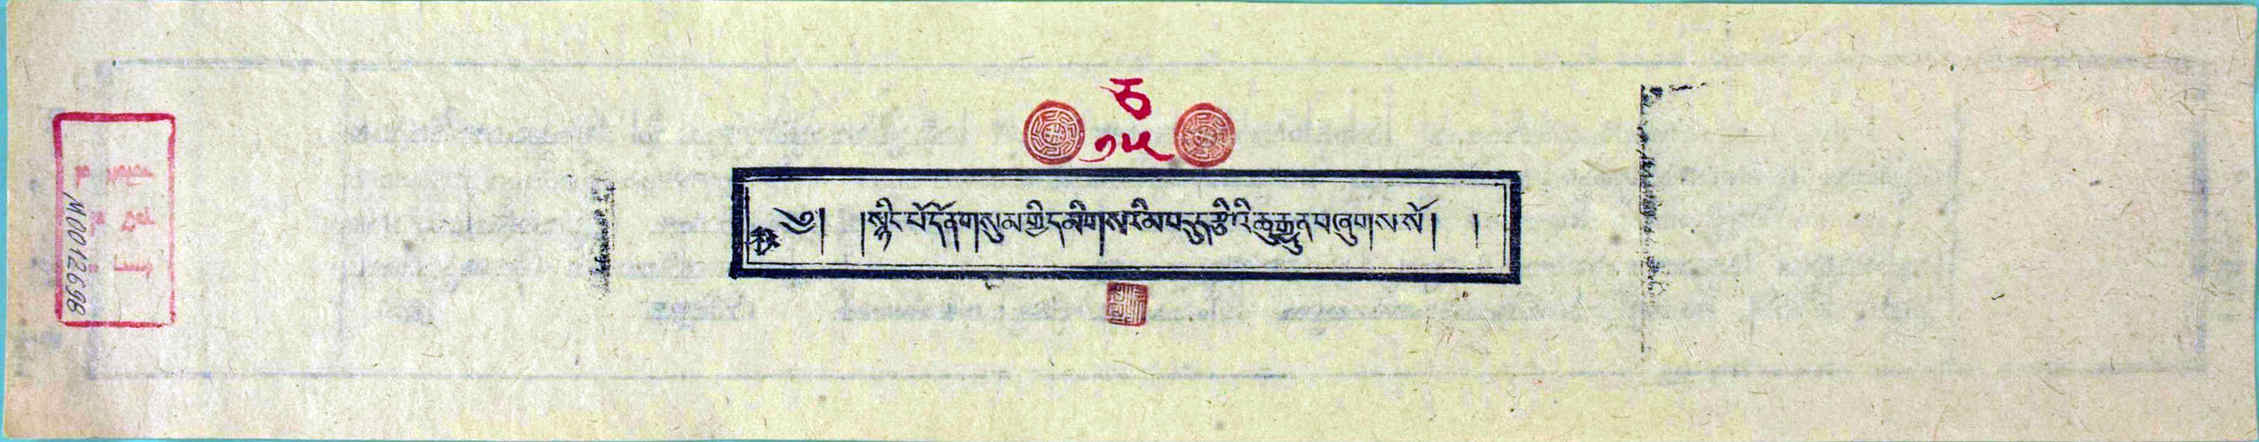༄༅། །སྙིང་པོ་དོན་གསུམ་གྱི་དམིགས་རིམ་བདུད་རྩིའི་ཆུ་རྒྱུན་བཞུགས་སོ། །